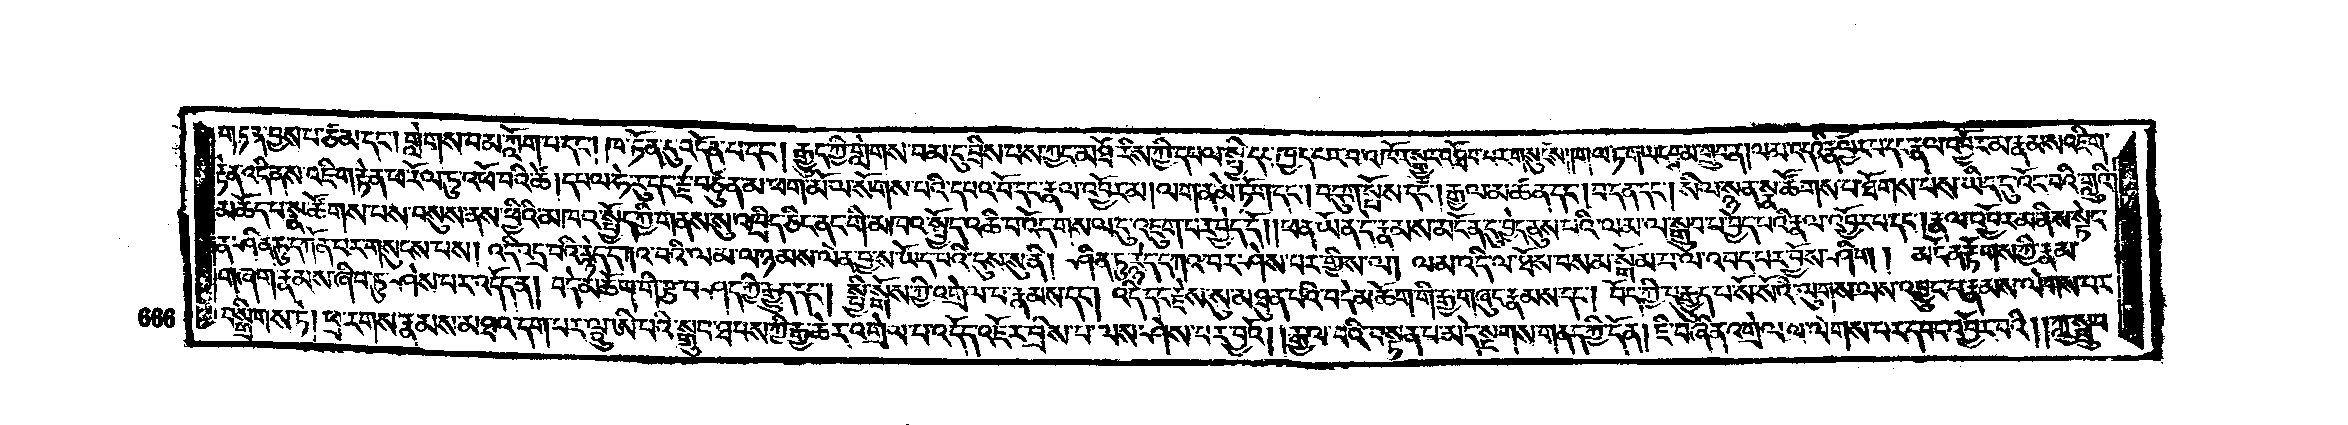གཏན་བྱས་པ་ཙམ་དང་། གླེགས་བམ་ཀློག་པ་དང་། ཁ་ཏོན་དུ་འདོན་པ་དང་། རྒྱུད་ཀྱི་གླེགས་བམ་དུ་བྲིས་པས་ཀྱང་མཐོ་རིས་ཀྱི་དཔལ་སྤྱི་དང་ཁྱད་པར་བ་འཁོར་སྒྱུར་འཐོབ་པར་གསུངས་སོ། །གལ་ཏེ་གཡོངས་བ་མ་གྲུབ་ན། ལམ་འདིའི་རྣལ་འབྱོར་པ་དང་རྣལ་འབྱོར་མ་རྣམས་འཇིག་
རྟེན་འདི་ནས་འཇིག་རྟེན་ཕ་རོལ་ཏུ་འཕོ་བའི་ཚེ། དཔལ་ཧེ་རུ་དང་རྗེ་བཙུན་མ་ཕག་མོ་ལ་སོགས་པའི་དཔའ་བོ་དང་རྣལ་འབྱོར་མ། ལག་ན་མེ་ཏོག་དང་། བདུག་སྤོས་དང་། རྒྱལ་མཚན་དང་། བ་དན་དང་། སིལ་སྙན་སྣ་ཚོགས་པ་ཐོགས་པས་ཡིད་དུ་འོང་བའི་གླུའི་
མཆོད་པ་སྣ་ཚོགས་པས་བསུས་ནས་ཕྱིའི་མཁའ་སྤྱོད་ཀྱི་གནས་སུ་འཁྲིད་ཅིང་ནང་གི་མཁའ་སྤྱོད་འཆི་བ་འོད་གསལ་དུ་འཇུག་པར་བྱེད་དོ། །ཕན་ཡོན་དེ་རྣམས་མངོན་དུ་བྱེད་ནུས་པའི་ལམ་ལ་སྒྲུབ་པ་བྱེད་པའི་རྣལ་འབྱོར་བ་དང་། རྣལ་འབྱོར་མ་ནི་ས་སྟེང་
ན་ཤིན་ཏུ་དཀོན་པར་གསུངས་པས། འདི་འདྲ་བའི་རྙེད་དཀའ་བའི་ལམ་ལ་ཉམས་ལེན་བྱ་ས་ཡོད་པའི་དུས་སུ་ནི། ཤིན་ཏུ་རྙེད་དཀའ་བར་ཤེས་པར་གྱིས་ལ། ལམ་འདི་ལ་ཐོས་བསམ་སྒོམ་པ་ལ་འབད་པར་བྱོས་ཤིག །མངོན་རྟོགས་ཀྱི་རྣམ་
གཞག་རྣམས་ཞིབ་ཏུ་ཤེས་པར་འདོད་ན། བདེ་མཆོག་གི་རྩ་བཤད་ཀྱི་རྒྱུད་དང་། སྤྱི་སྒོས་ཀྱི་འགྲེལ་པ་རྣམས་དང་། འདི་དང་རྗེས་སུ་མཐུན་པའི་བདེ་མཆོག་གི་རྒྱ་གཞུང་རྣམས་དང་། བོད་ཀྱི་བརྒྱུད་པ་སོ་སོའི་ལུགས་ལས་འབྱུང་བ་རྣམས་ལེགས་པར་
བསྒྲིགས་ཏེ། ཕྲ་རགས་རྣམས་མཐའ་དག་པར་ལཱུ་ཨི་པའི་སྒྲུབ་ཐབས་ཀྱི་རྒྱ་ཆེར་འགྲེལ་པ་འདོད་འཇོར་བྲིས་པ་ལས་ཤེས་པར་བྱའོ། །རྒྱལ་བའི་བསྟན་པ་མདོ་སྔགས་གནད་ཀྱི་དོན། ཇི་བཞིན་འགྲེལ་པ་ལེགས་པར་དབང་འབྱོར་བའི། །ཀླུ་སྒྲུབ་